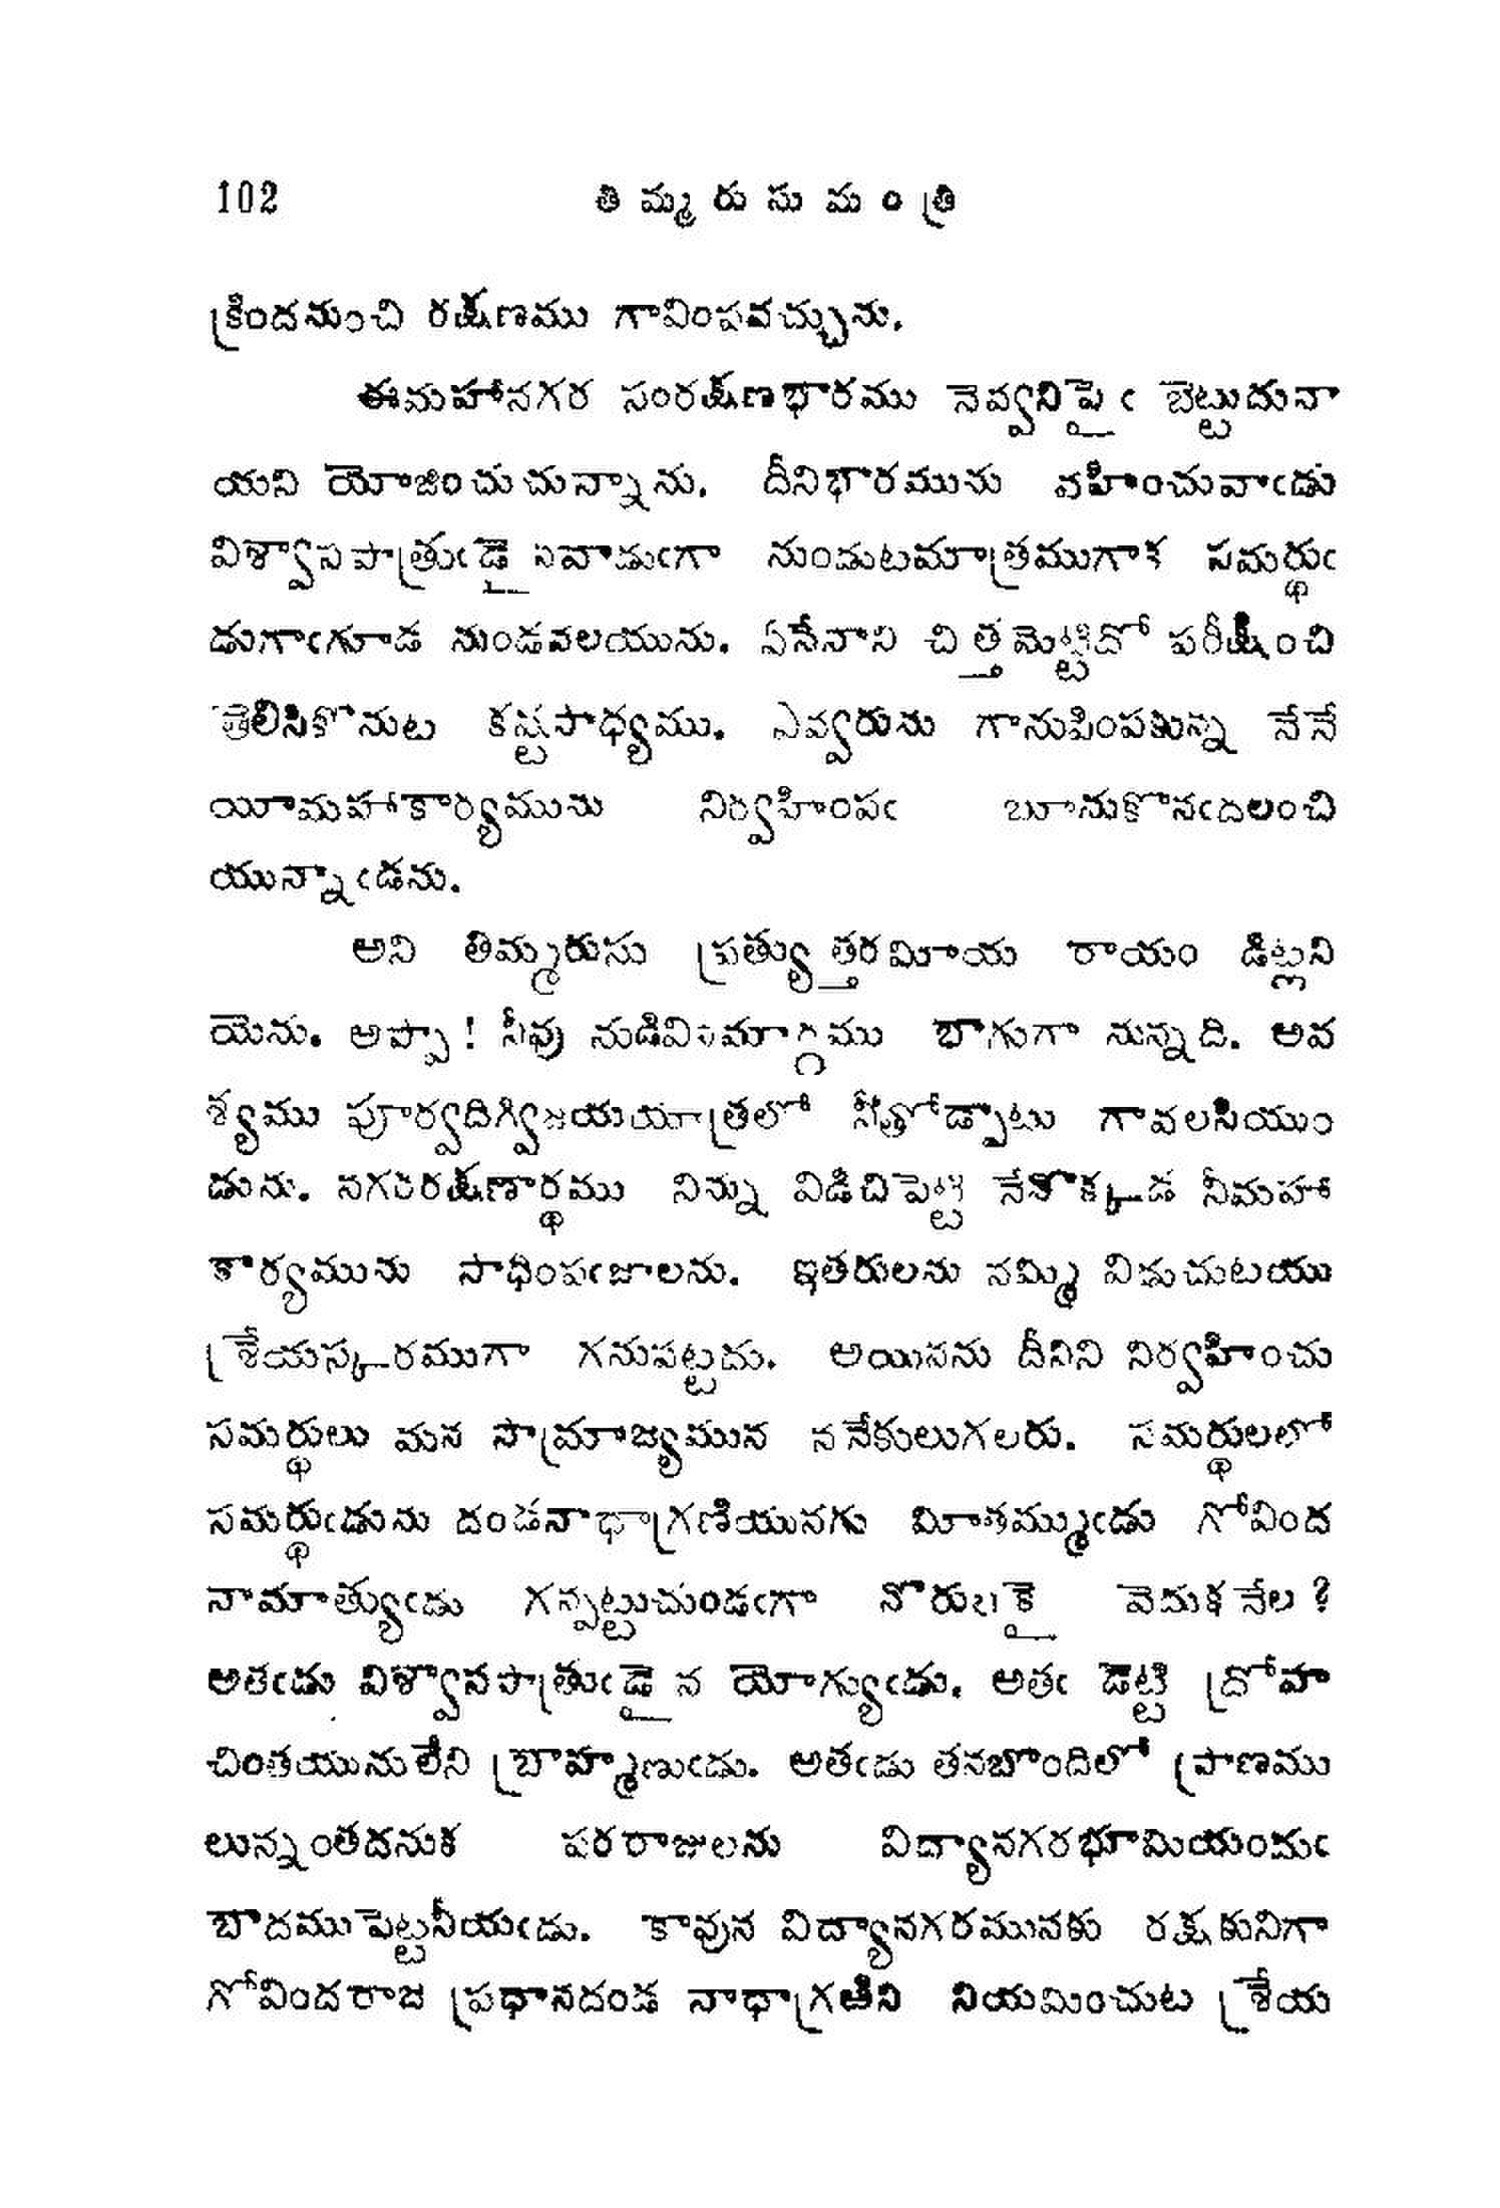క్రిందనుంచి రక్షణము గావింపవచ్చును.

ఈమహానగర సంరక్షణభారము నెవ్వనిపైఁ బెట్టుదునాయని యోజించుచున్నాను. దీనిభారమును వహించువాఁడు విశ్వాసపాత్రుఁడైనవాడుఁగా నుండుటమాత్రముగాక సమర్థుఁడుగాఁగూడ నుండవలయును. ఏసేనాని చిత్తమెట్టిదో పరీక్షించి తెలిసికొనుట కష్టసాధ్యము. ఎవ్వరును గానుపింపకున్న నేనే యీమహాకార్యమును నిర్విహింపఁ బూనుకొనఁదలంచి యున్నాఁడను.

అని తిమ్మరుసు ప్రత్యుత్తరమీయ రాయం డిట్లనియెను. అప్పా! నీవు నుడివినమార్గము భాగుగా నున్నది. అవశ్యము పూర్వదిగ్విజయయాత్రలో నీతోడ్పాటు గావలసియుండును. నగరరక్షణార్థము నిన్ను విడిచిపెట్టి నేనొక్కడ నీమహాకార్యమును సాధింపఁజాలను. ఇతరులను నమ్మి విడుచుటయు శ్రేయస్కరముగా గనుపట్టదు. అయినను దీనిని నిర్వహించు సమర్థులు మన సామ్రాజ్యమున ననేకులుగలరు. సమర్థులలో సమర్ధుఁడును దండనాధాగ్రణియునగు మీతమ్ముఁడు గోవిందనామాత్యుఁడు గన్పట్టుచుండఁగా నొరులకై వెదుకనేల ? అతఁడు విశ్వాసపాత్రుఁడైన యోగ్యుఁడు, అతఁ డెట్టి ద్రోహచింతయును లేని బ్రాహ్మణుఁడు. అతఁడు తనబొందిలో ప్రాణము లున్నంతదనుక షరరాజులను విద్యానగరభూమియందుఁ బాదముపెట్టనీయఁడు. కావున విద్యానగరమునకు రక్షకునిగా గోవిందరాజ ప్రధానదండ నాధాగ్రఱిని నియమించుట శ్రేయ